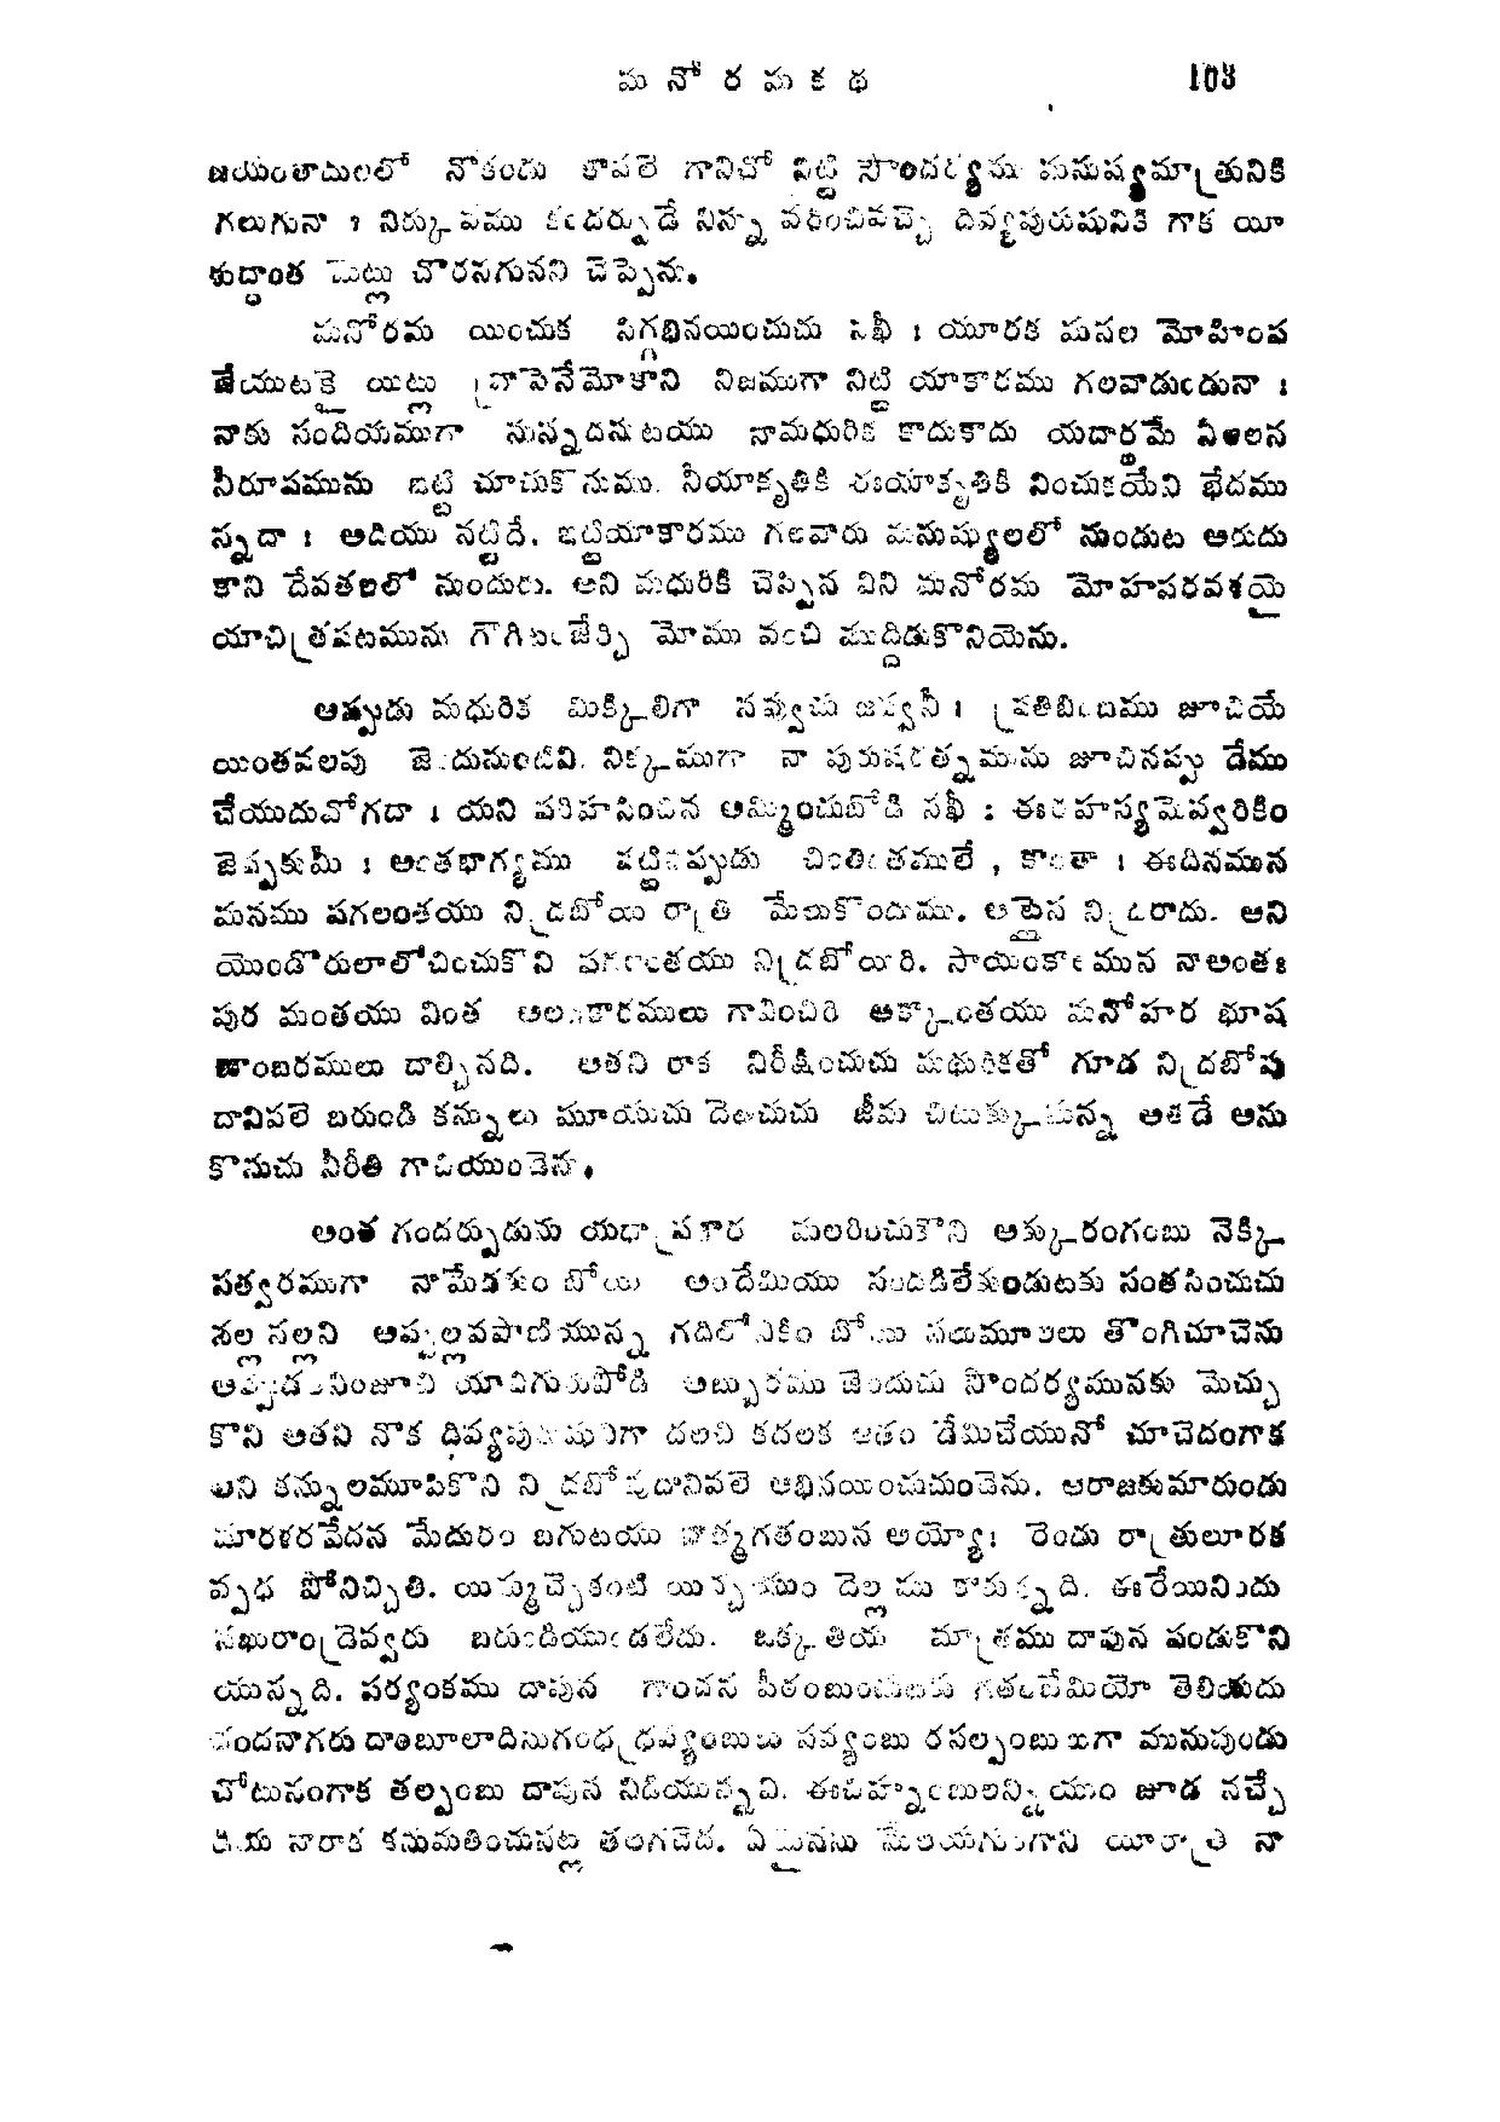జయంతాదులలో నొకండు కావలె గానిచో నిట్టి సౌందర్యము మనుష్యమాత్రునికి గలుగునా? నిక్కువము కందర్పుడే నిన్ను వరించివచ్చె దివ్యపురుషునికి గాక యీ శుద్ధాంత మెట్లు చొరనగునని చెప్పెను.

మనోరమ యించుక సిగ్గభినయించుచు సఖీ! యూరక మనల మోహింపజేయుటకై యిట్లు వ్రాసెనేమోకాని నిజముగా నిట్టి యాకారము గలవాడుండునా? నాకు సందియముగా నున్నదనుటయు నామధురిక కాదుకాదు యదార్థమే ఏలన నీరూపమును బట్టి చూచుకొనుము. నీయాకృతికి ఈయాకృతికి నించుకయేని భేదమున్నదా? అదియు నట్టిదే. ఇట్టియాకారము గలవారు మనుష్యులలో నుండుట అరుదు కాని దేవతలలో నుందురు. అని మధురిక చెప్పిన విని మనోరమ మోహపరవశయై యాచిత్రపటమును గౌగిటంజేర్చి మోము వంచి ముద్దిడుకొనియెను.

అప్పుడు మధురిక మిక్కిలిగా నవ్వుచు జవ్వనీ! ప్రతిబింబము జూచియే యింతవలపు జెందుచుంటివి. నిక్కముగా నా పురుషత్నమును జూచినప్పు డేము చేయుదువోగదా! యని పరిహసించిన అమ్మించుబోడి సఖీ : ఈరహస్యమెవ్వరికిం జెప్పకుమీ! అంతభాగ్యము పట్టినప్పుడు చింతింతములే, కాంతా ! ఈదినమున మనము పగలంతయు నిద్రబోయి రాత్రి మేలుకొందుము. అట్లైన నిద్రరాదు. అని యొండొరు లాలోచించుకొని పగలంతయు నిద్రబోయిరి. సాయంకాలమున నాఅంతఃపుర మంతయు వింత అలంకారములు గావించిరి అక్కాంతయు మనోహరభూషణాంబరములు దాల్చినది. అతని రాక నిరీక్షించుచు మథురికతో గూడ నిద్రబోవు దానివలె బరుండి కన్నులు మూయుచు దెఱచుచు జీమ చిటుక్కుమన్న అతడే అనుకొనుచు నీరీతి గాచియుండెను.

అంత గందర్పుడును యథాప్రకార మలంకరించుకొని అక్కురంగంబు నెక్కి సత్వరముగా నామేడకుం బోయి అందేమియు సందడిలేకుండుటకు సంతసించుచు నల్ల నల్లని అప్పల్లవపాణియున్న గదిలోనికిం బోయి నలుమూలలు తొంగిచూచెను అప్పుడతనింజూచి యాచిగురుపోడి అబ్బురము జెందుచు సౌందర్యమునకు మెచ్చుకొని అతని నొక దివ్యపురుషునిగా దలచి కదలక అతం డేమిచేయునో చూచెదంగాక అని కన్నులమూసికొని నిద్రబోవుదానివలె అభినయించుచుండెను. ఆరాజకుమారుండు మారశరవేదన మేదురం బగుటయు నాత్మగతంబున అయ్యో! రెండు రాత్రులూరక వృధ పోనిచ్చితి. యిమ్మచ్చెకంటి యిచ్చయుం దెల్లము కాకున్నది. ఈరేయినిందు సఖురాండ్రెవ్వరు బరుండియుండలేదు. ఒక్కతియ మాత్రము దాపున పండుకొని యున్నది. పర్యంకము దాపున గాంచనపీఠం బుండుటకు గతంబేమియో తెలియదు చందనాగరు దాంబూలాదిసుగంధద్రవ్యంబులు సవ్యంబు రసల్పంబులుగా మునుపుండు చోటునంగాక తల్పంబు దాపున నిడియున్నవి. ఈచిహ్నంబులన్నియుం జూడ నచ్చేడియ నారాక కనుమతించునట్ల తలంచెద. ఏమైనను మేలయగుంగాని యీరాత్రి నా